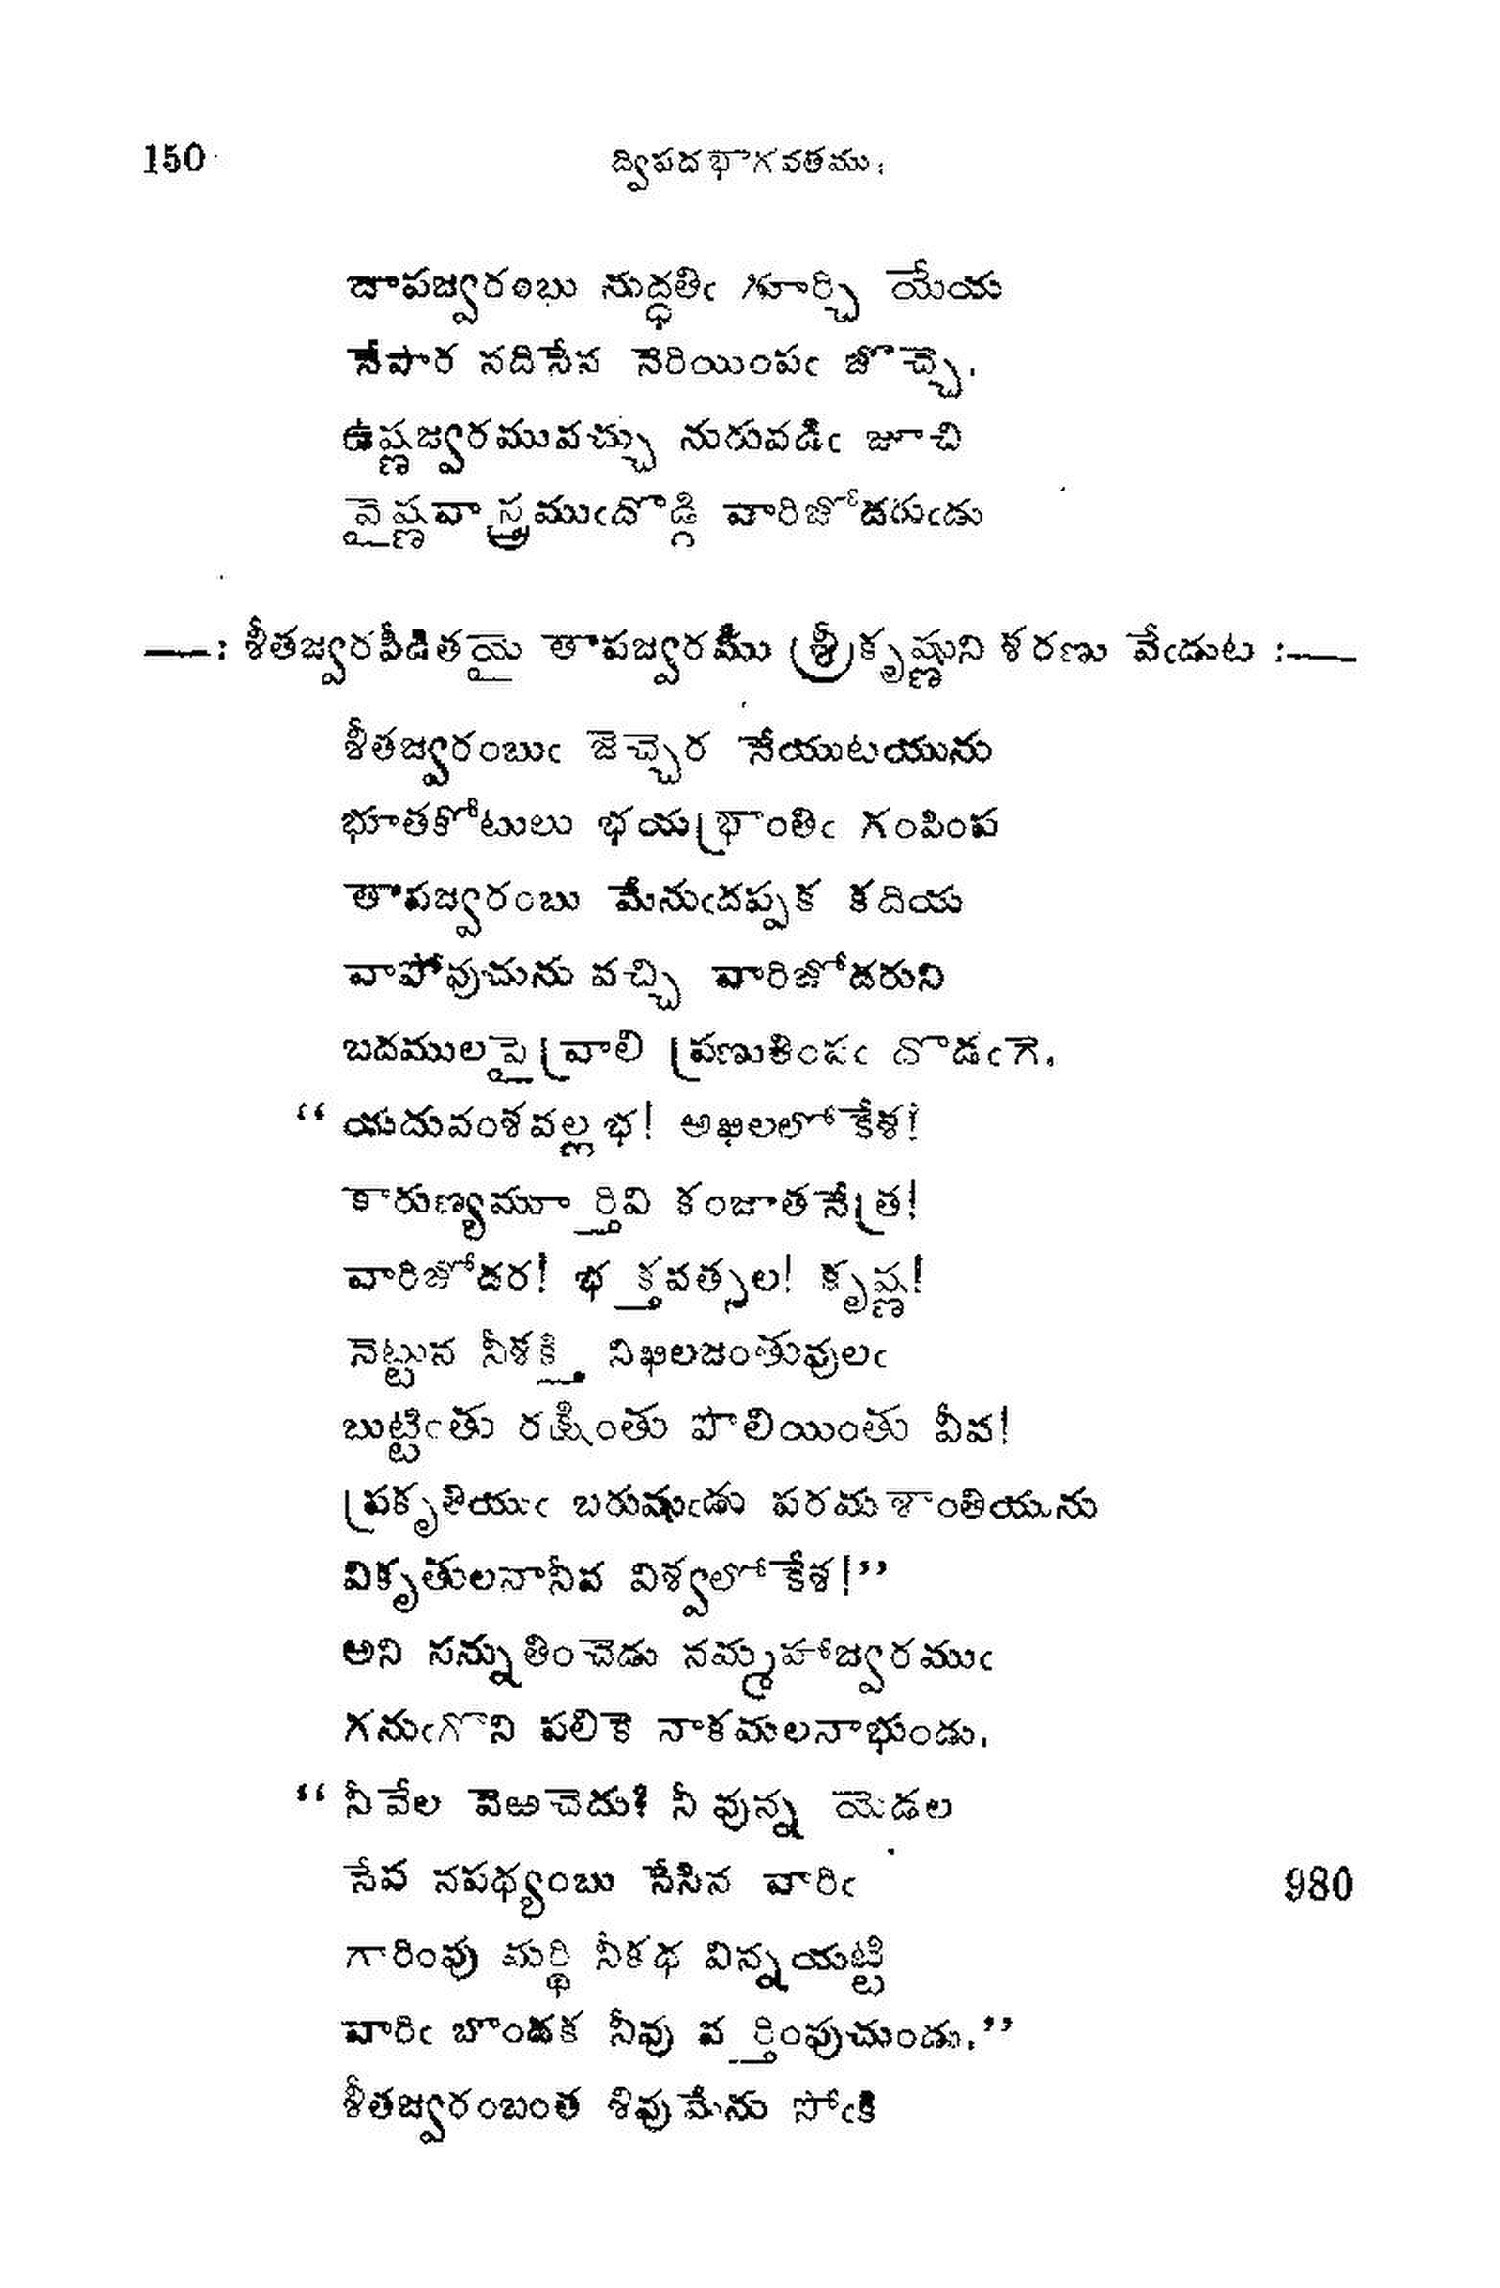దాపజ్వరంబు నుద్ధతిఁ గూర్చి యేయ
నేపార నదిసేన నెరియింపఁ జొచ్చె. 
ఉష్ణజ్వరమువచ్చు నురువడిఁజూచి
వైష్ణవాస్త్రముఁదొడ్గి వారిజోదరుఁడు

శీతజ్వరంబుఁ జెచ్చెర నేయుటయును
భూతకోటులు భయభ్రాంతిఁ గంపింప
తాపజ్వరంబు మేన్దప్పి కదియ్య
వాపోవుచును వచ్చి వారిజోదరుని
బదములపై వ్రాలి ప్రణుతింపదొడగె. 
“యదువంశవల్లభ! అఖిలలోకేశ! 
కారుణ్యమూర్తివి కంజాతనేత్ర! 
వారిజోదర! భక్తవత్సల! కృష్ణ! 
నెట్టున నీశక్తి నిఖిలజంతువులఁ
బుట్టింతు రక్షింతు పొలియింతు వీవ! 
ప్రకృతియుఁ బురుషుఁడు పరమశాంతియును
వికృతులనానీవ విశ్వలోకేశ!” 
అని సన్నుతించెడు నమ్మహాజ్వరముఁ
గనుఁగొని పలికె నాకమలనాభుండు. 
“నీవేల వెఱచెదు? నీవున్న యెడల
సేవ నపథ్యంబు సేసిన వారిఁ
గారింపుమర్థి నీకథ విన్నయట్టి
వారిఁబొందక నీవు వర్తింపుచుండు.” 
శీతజ్వరంబంత శివు మేను సోఁకి